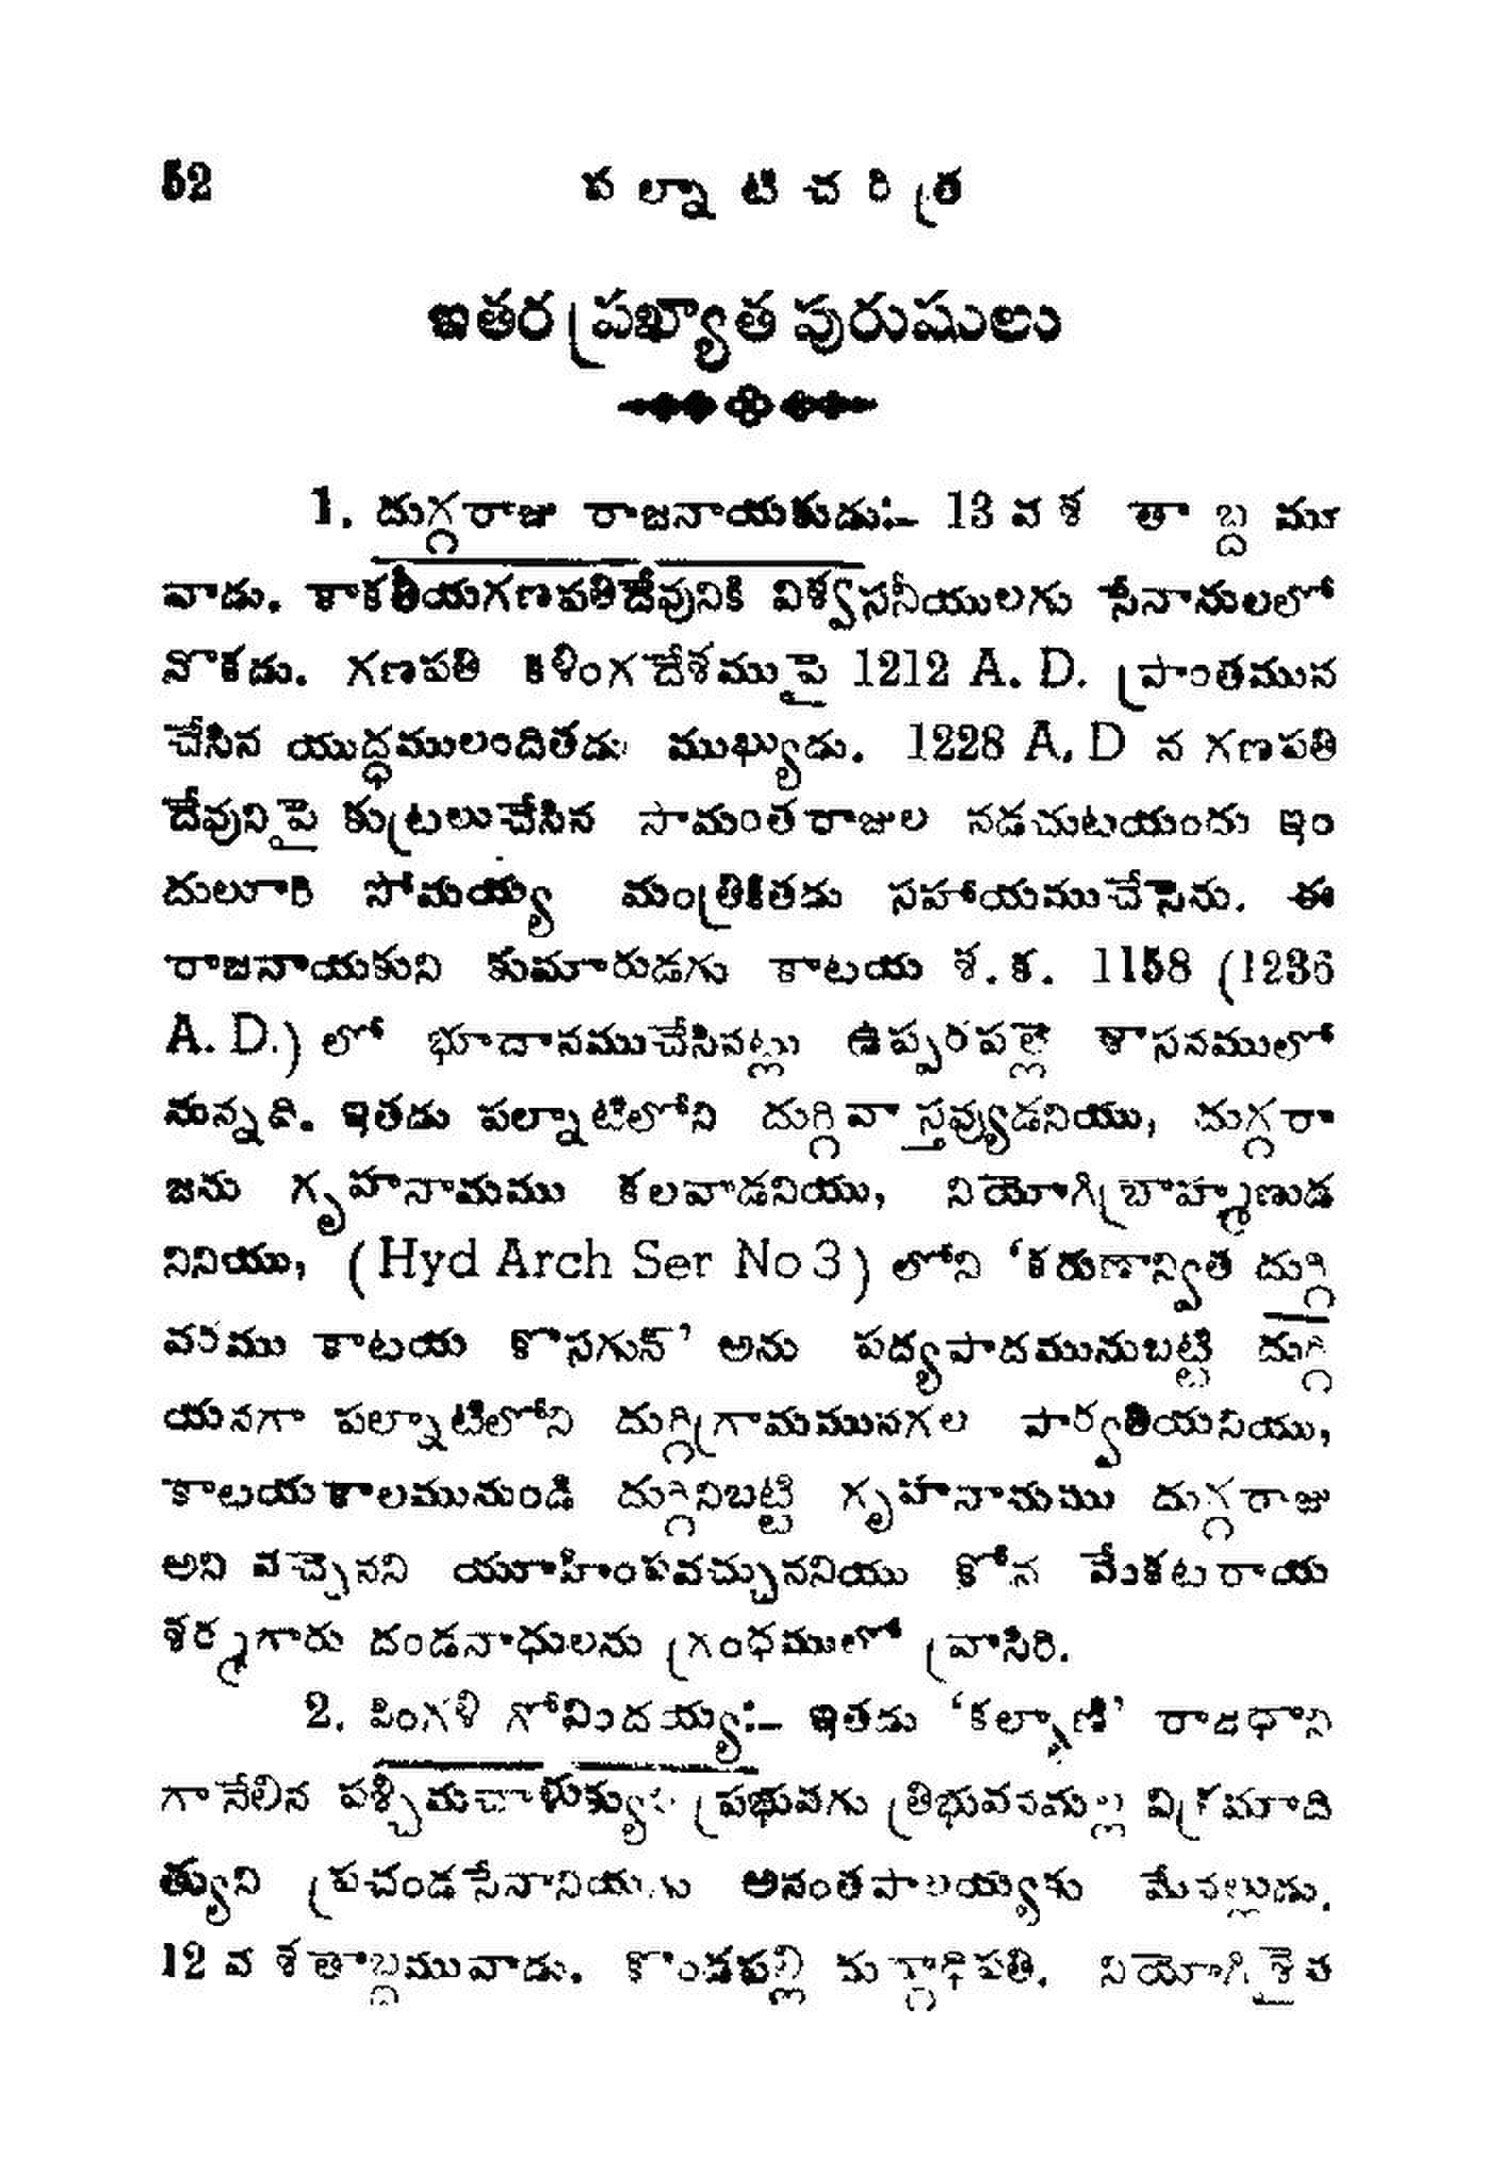1. దుగ్గరాజు రాజనాయకుడు:- 13 వ శ తా బ్ద ము 
వాడు. కాకతీయగణపతిదేవునికి విశ్వసనీయులగు సేనానులలో
నొకడు. గణపతి కళింగ దేశముపై 1212 A. D. ప్రాంతమున
చేసిన యుద్ధములందితడు ముఖ్యుడు. 1228 A.D న గణపతి
దేవుని పై కుట్రలు చేసిన సామంతరాజులు నడచుటయందు 
ఇందులూరి సోమయ్య మంత్రికితడు సహాయము చేసెను. ఈ
రాజనాయకుని కుమారుడగు కాటయ శ.క. 1158 (1236 A. D.) 
లో భూదానము చేసినట్లు ఉప్పరపల్లె శాసనములో
నున్నది. ఇతడు పల్నాటిలోని దుర్గి వాస్తవ్యుడనియు, దుగ్గరా
జను గృహనామము కలవాడనియు, నియోగి బ్రాహ్మణుడ
నినియు, ( Hyd Arch Ser No 3) లోని 'కరుణాన్విత దుర్గివరము 
కాటయ కొసగున్' అను పద్యపాదమునుబట్టి దుర్గి
యనగా పల్నాటిలోని దుర్గిగ్రామమునగల పార్వతి యనియు,
కాటయకాలమునుండి దుర్గినిబట్టి గృహనామము దుగ్గరాజు
అని వచ్చెనని యూహింపవచ్చుననియు కోన వేంకటరాయ
శర్మగారు దండనాధులను గ్రంధములో వ్రాసిరి.

2. పింగళి గోవిందయ్య:- ఇతడు 'కల్యాణి' రాజధాని
గా నేలిన పశ్చిమచాళుక్యుని ప్రభువగు త్రిభువనమల్ల విక్రమాది
త్యుని ప్రచండ సేనానియగు అనంతపాలయ్యకు మేనల్లుడు.
12 వ శతాబ్దమువాడు, కొండపల్లి దుర్గాధిపతి, నియోగి శైవ